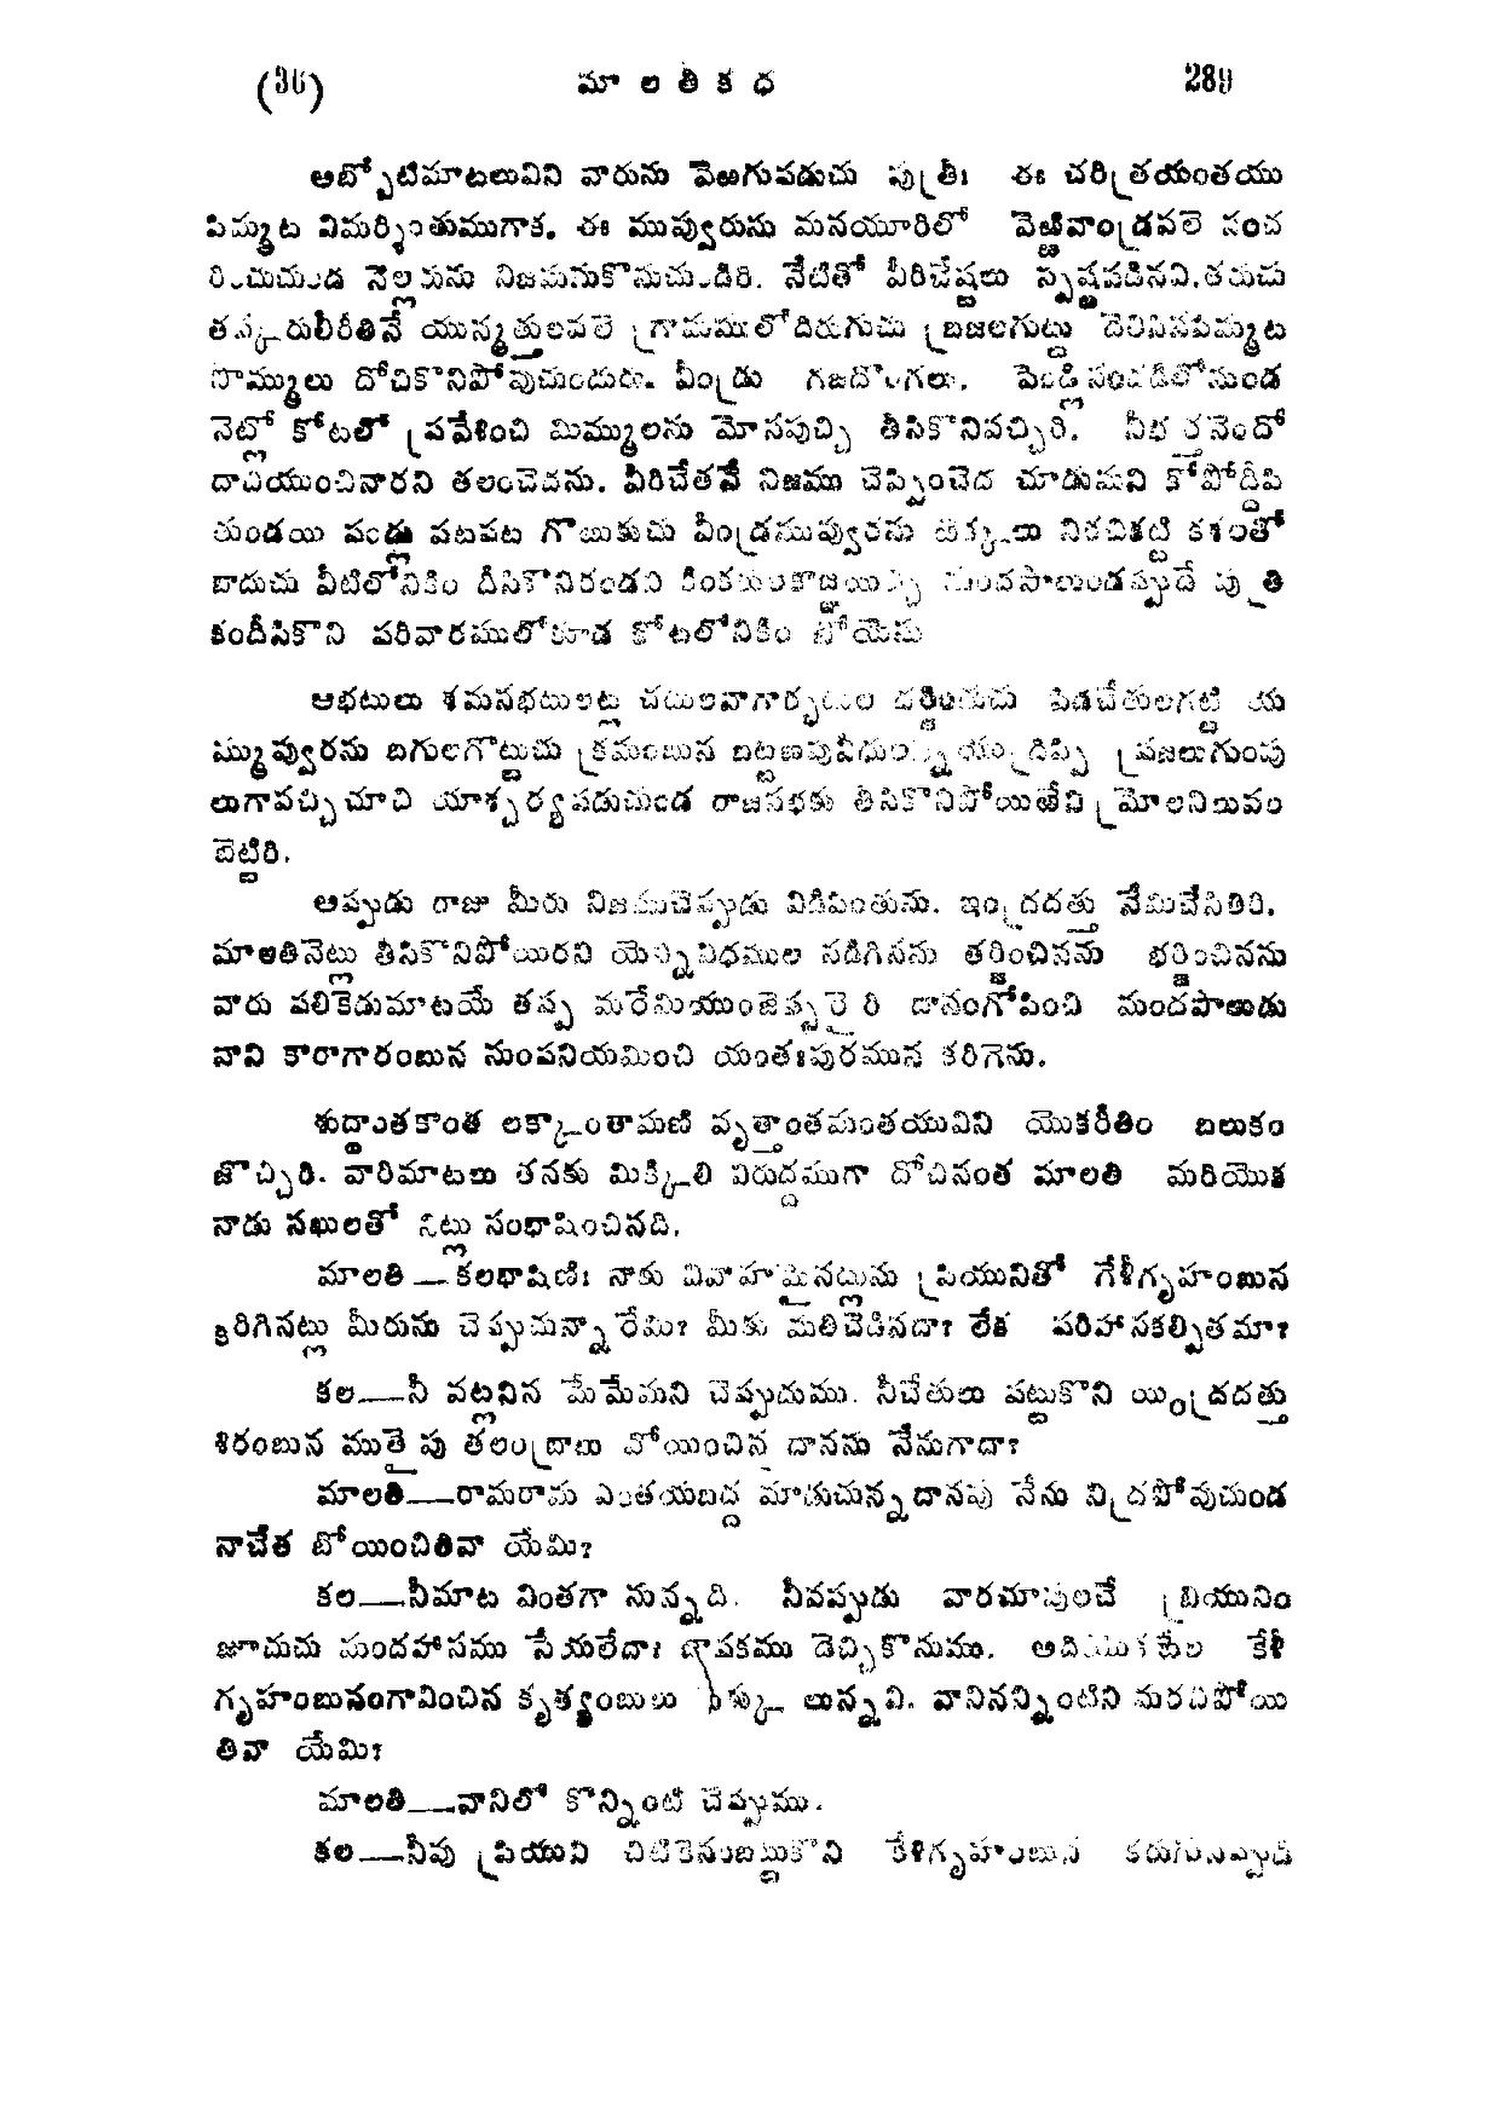అబ్బోటిమాటలువిని వారును వెఱగుపడుచు పుత్రీ! ఈ చరిత్రయంతయు పిమ్మట విమర్శింతుముగాక. ఈ మువ్వురును మనయూరిలో వెఱ్ఱివాండ్రవలె సంచరించుచుండ నెల్లరును నిజమనుకొనుచుండిరి. నేటితో వీరిచేష్టలు స్పష్టపడినవి. తరుచు తస్కరులీరీతినే యున్మత్తులవలె గ్రామములో దిరుగుచు బ్రజలగుట్టు దెలిసినపిమ్మట సొమ్ములు దోచికొనిపోవుచుందురు. వీండ్రు గజదొంగలు. పెండ్లి సందడిలోనుండ నెట్లో కోటలో ప్రవేశించి మిమ్ములను మోసపుచ్చి తీసికొనివచ్చిరి. నీభర్తనెందో
దాచియుంచినారని తలంచెదను. వీరిచేతనే నిజము చెప్పించెద చూడుమని కోపోద్దీపితుండయి పండ్లు పటపట గొఱుకుచు వీండ్రమువ్వురను ఱెక్కలు విరచికట్టి కశలతో బాదుచు వీటిలోనికిం దీసికొనిరండని కింకరులకాజ్ఞయిచ్చి మందపాలుండప్పుడే పుత్రికందీసికొని పరివారములో కూడ కోటలోనికిం బోయెను.

ఆభటులు శమనభటులట్ల చదులవాగార్భరుల దర్జించుచు పిడచేతులగట్టి యమ్మువ్వురను బగులగొట్టుచు క్రమంబున బట్టణపువీధులన్నియుద్రిప్పి ప్రజలుగుంపులుగావచ్చిచూచి యాశ్చర్యపడుచుండ రాజసభకు తీసికొనిపోయిఱేని మ్రోలనిలువం బెట్టిరి.

అప్పుడు రాజు మీరు నిజముచెప్పుడు విడిపింతును. ఇంద్రదత్తు నేమిచేసితిరి. మాలతినెట్లు తీసికొనిపోయిరని యెన్నివిధముల నడిగినను తర్జించినను భర్జించినను వారు పలికెడుమాటయే తప్ప మరేమియుంజెప్పరైరి దానంగోపించి మందపాలుడు వాని కారాగారంబున నుంపనియమించి యంతఃపురమున కరిగెను.

శుద్ధాంతకాంత లక్కాంతామణి వృత్తాంతమంతయువిని యొకరీతిం బలుకం జొచ్చిరి. వారిమాటలు తనకు మిక్కిలి విరుద్దముగా దోచినంత మాలతి మరియొకనాడు సఖులతో నిట్లు సంభాషించినది.

మాలతి - కలభాషిణి! నాకు వివాహమైనట్లును ప్రియునితో గేళీగృహంబున కరిగినట్లు మీరును చెప్పుచున్నారేమి ? మీకు మతిచెడినదా? లేక పరిహాసకల్పితమా?

కల - నీ వట్లనిన మే మేమని చెప్పుదుము. నీచేతులు పట్టుకొని యింద్రదత్తు శిరంబున ముత్తెపు తలంబ్రాలు వోయించిన దానను నేనుగాదా ?

మాలతి - రామరామ ఎంతయబద్ద మాడుచున్న దానవు నేను నిద్రపోవుచుండ నాచేత బోయించితివా యేమి?

కల - నీమాట వింతగా నున్నది. నీవప్పుడు వారచూపులచే బ్రియునిం జూచుచు మందహాసము సేయలేదా? జ్ఞాపకము దెచ్చికొనుము. అదియొకటేల కేళీ గృహంబునంగావించిన కృత్యంబులు పెక్కు లున్నవి. వానినన్నింటిని మరచిపోయితివా యేమి?

మాలతి -- వానిలో కొన్నింటి చెప్పుము .

కల - నీవు ప్రియుని చిటికెనంబట్టుకొని కేళిగృహంబున కరుగునప్పుడీ